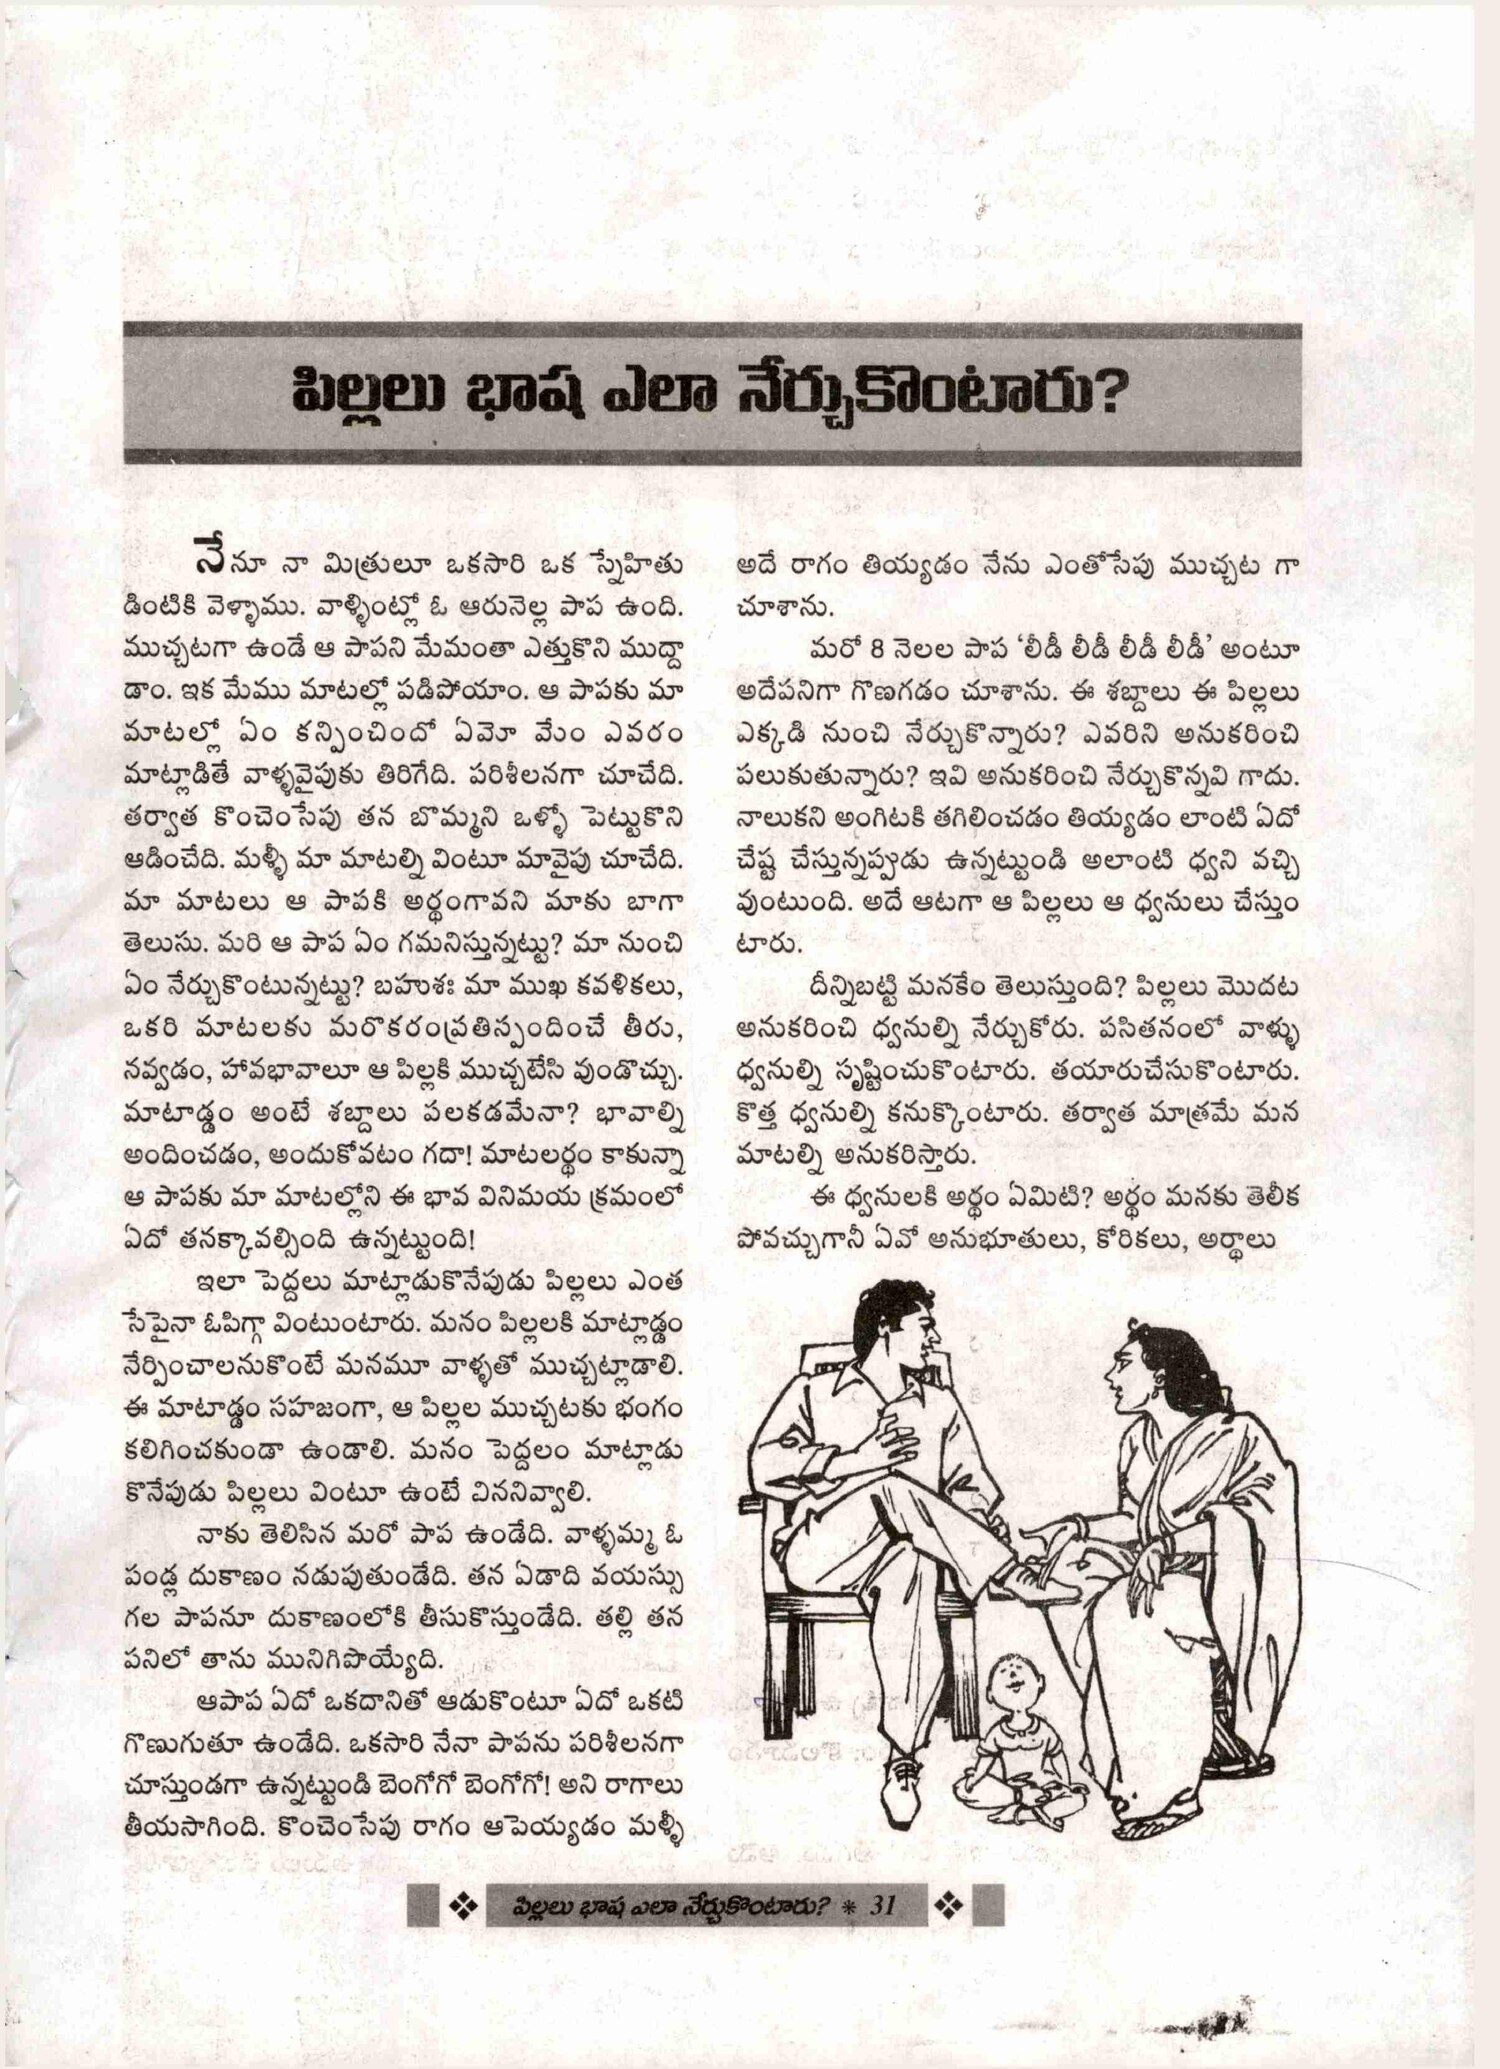పిల్లలు భాష ఎలా నేర్చుకొంటారు?

నేనూ నా మిత్రులూ ఒకసారి ఒక స్నేహితు డింటికి వెళ్ళాము. వాళ్ళింట్లో ఓ ఆరునెల్ల పాప ఉంది. ముచ్చటగా ఉండే ఆ పాపని మేమంతా ఎత్తుకొని ముద్దాడాం. ఇక మేము మాటల్లో పడిపోయాం. ఆ పాపకు మా మాటల్లో ఏం కన్పించిందో ఏమో మేం ఎవరం మాట్లాడితే వాళ్ళవైపుకు తిరిగేది. పరిశీలనగా చూచేది. తర్వాత కొంచెంసేపు తన బొమ్మని ఒళ్ళో పెట్టుకొని ఆడించేది. మళ్ళీ మా మాటల్ని వింటూ మావైపు చూచేది. మా మాటలు ఆ పాపకి అర్థంగావని మాకు బాగా తెలుసు. మరి ఆ పాప ఏం గమనిస్తున్నట్టు? మా నుంచి ఏం నేర్చుకొంటున్నట్టు? బహుశః మా ముఖ కవళికలు, ఒకరి మాటలకు మరొకరంప్రతిస్పందించే తీరు, నవ్వడం, హావభావాలూ ఆ పిల్లకి ముచ్చటేసి వుండొచ్చు. మాటాడ్డం అంటే శబ్దాలు పలకడమేనా? భావాల్ని అందించడం, అందుకోవటం గదా! మాటలర్థం కాకున్నా ఆ పాపకు మా మాటల్లోని ఈ భావ వినిమయ క్రమంలో ఏదో తనక్కావల్సింది ఉన్నట్టుంది!

ఇలా పెద్దలు మాట్లాడుకొనేపుడు పిల్లలు ఎంత సేపైనా ఓపిగ్గా వింటుంటారు. మనం పిల్లలకి మాట్లాడ్డం
నేర్పించాలనుకొంటే మనమూ వాళ్ళతో ముచ్చట్లాడాలి. ఈ మాటాడ్డం సహజంగా, ఆ పిల్లల ముచ్చటకు భంగం
కలిగించకుండా ఉండాలి. మనం పెద్దలం మాట్లాడుకొనేపుడు పిల్లలు వింటూ ఉంటే విననివ్వాలి.

నాకు తెలిసిన మరో పాప ఉండేది. వాళ్ళమ్మ ఓ పండ్ల దుకాణం నడుపుతుండేది. తన ఏడాది వయస్సు గల పాపనూ దుకాణంలోకి తీసుకొస్తుండేది. తల్లి తన పనిలో తాను మునిగిపొయ్యేది.

ఆపాప ఏదో ఒకదానితో ఆడుకొంటూ ఏదో ఒకటి గొణుగుతూ ఉండేది. ఒకసారి నేనా పాపను పరిశీలనగా
చూస్తుండగా ఉన్నట్టుండి బెంగోగో బెంగోగో! అని రాగాలు తీయసాగింది. కొంచెంసేపు రాగం ఆపెయ్యడం మళ్ళీ
అదే రాగం తియ్యడం నేను ఎంతోసేపు ముచ్చట గా చూశాను.

మరో 8 నెలల పాప 'లీడీ లీడీ లీడీ లీడీ' అంటూ అదేపనిగా గొణగడం చూశాను. ఈ శబ్దాలు ఈ పిల్లలు ఎక్కడి నుంచి నేర్చుకొన్నారు? ఎవరిని అనుకరించి పలుకుతున్నారు? ఇవి అనుకరించి నేర్చుకొన్నవి గాదు. నాలుకని అంగిటకి తగిలించడం తియ్యడం లాంటి ఏదో చేష్ట చేస్తున్నప్పుడు ఉన్నట్టుండి అలాంటి ధ్వని వచ్చి వుంటుంది. అదే ఆటగా ఆ పిల్లలు ఆ ధ్వనులు చేస్తుంటారు.

దీన్నిబట్టి మనకేం తెలుస్తుంది? పిల్లలు మొదట అనుకరించి ధ్వనుల్ని నేర్చుకోరు. పసితనంలో వాళ్ళు ధ్వనుల్ని సృష్టించుకొంటారు. తయారుచేసుకొంటారు. కొత్త ధ్వనుల్ని కనుక్కొంటారు. తర్వాత మాత్రమే మన మాటల్ని అనుకరిస్తారు.

ఈ ధ్వనులకి అర్థం ఏమిటి? అర్థం మనకు తెలీక పోవచ్చుగానీ ఏవో అనుభూతులు, కోరికలు, అర్థాలు